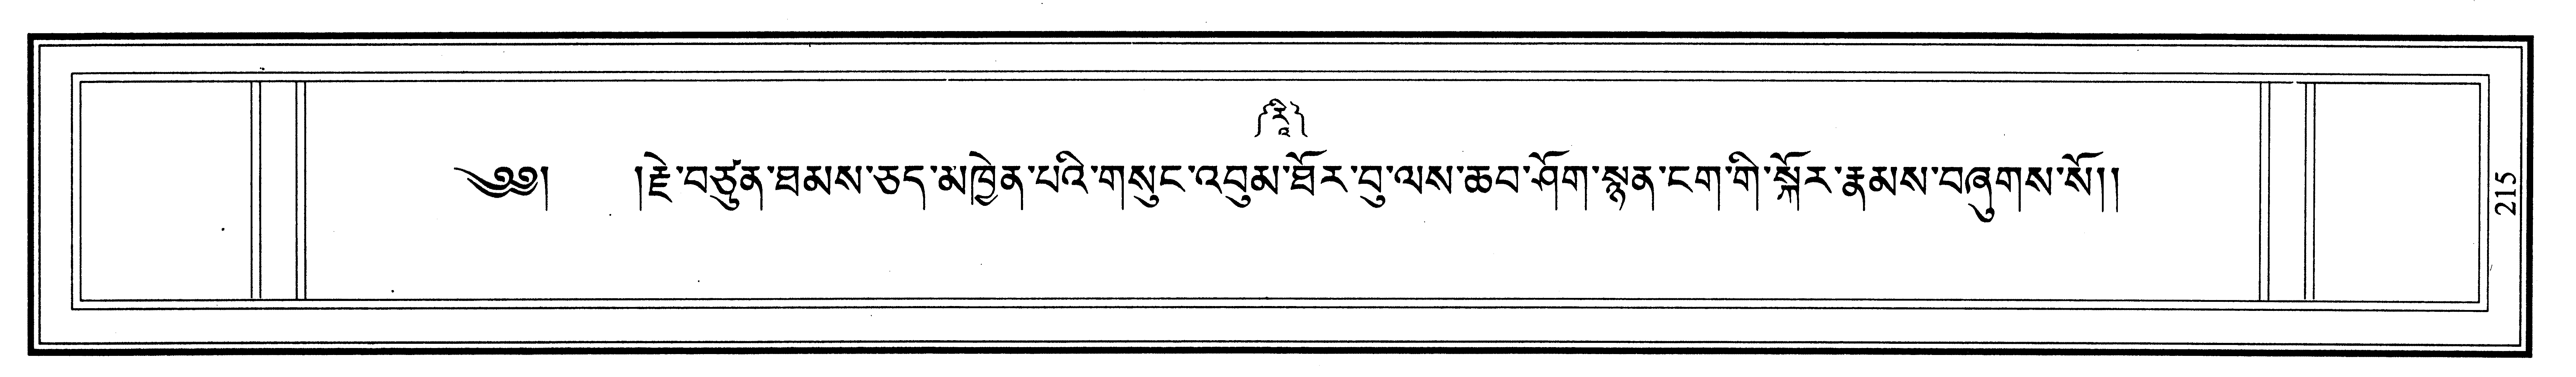༄༅། །རྗེ་བཙུན་ཐམས་ཅད་མཁྱེན་པའི་གསུང་འབུམ་ཐོར་བུ་ལས་ཆབ་ཤོག་སྙན་ངག་གི་སྐོར་རྣམས་བཞུགས་སོ།།